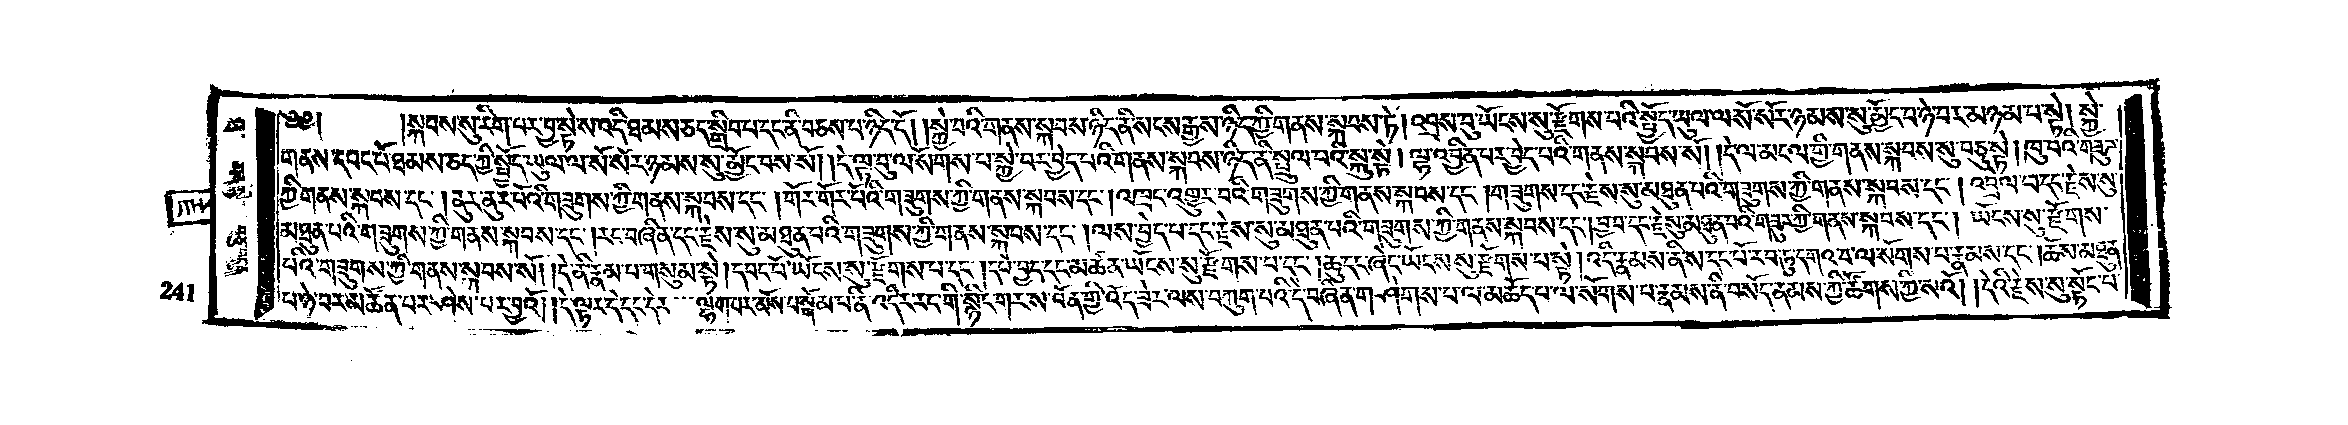༄༅། །སྐབས་སུ་རིག་པར་བྱ་སྟེ་ས་འདི་ཐམས་ཅད་སྒྲིབ་པ་དང་ནི་བཅས་པ་ཉིད་དོ། །སྐྱེ་བའི་གནས་སྐབས་ཉིད་ནི་སངས་རྒྱས་ཉིད་ཀྱི་གནས་སྐབས་ཏེ། འབྲས་བུ་ཡོངས་སུ་རྫོགས་པའི་སྤྱོད་ཡུལ་ལ་སོ་སོར་ཉམས་སུ་མྱོང་བ་ཉེ་བར་མཉམ་པ་སྟེ། སྐྱེ་
གནས་དབང་པོ་ཐམས་ཅད་ཀྱི་སྤྱོད་ཡུལ་ལ་སོ་སོར་ཉམས་སུ་མྱོང་བས་སོ། །དེ་ལྟ་བུ་ལ་སོགས་པ་སྐྱེ་བར་བྱེད་པའི་གནས་སྐབས་ཉིད་ནི་སྤྲུལ་པའི་སྐུ་སྟེ། ལྷ་འབྱིན་པར་བྱེད་པའི་གནས་སྐབས་སོ། །དེ་ལ་མངལ་གྱི་གནས་སྐབས་སུ་བཅུ་སྟེ། ཁུ་བའི་གཟུགས་
ཀྱི་གནས་སྐབས་དང་། ནུར་ནུར་པོའི་གཟུགས་ཀྱི་གནས་སྐབས་དང་། གོར་གོར་པོའི་གཟུགས་ཀྱི་གནས་སྐབས་དང་། འཁྲང་འགྱུར་བའི་གཟུགས་ཀྱི་གནས་སྐབས་དང་། གཟུགས་དང་རྗེས་སུ་མཐུན་པའི་གཟུགས་ཀྱི་གནས་སྐབས་དང་། འབྲེལ་བ་དང་རྗེས་སུ་
མཐུན་པའི་གཟུགས་ཀྱི་གནས་སྐབས་དང་། རང་བཞིན་དང་རྗེས་སུ་མཐུན་པའི་གཟུགས་ཀྱི་གནས་སྐབས་དང་། ལས་བྱེད་པ་དང་རྗེས་སུ་མཐུན་པའི་གཟུགས་ཀྱི་གནས་སྐབས་དང་། བྱ་བ་དང་རྗེས་སུ་མཐུན་པའི་གཟུགས་ཀྱི་གནས་སྐབས་དང་། ཡོངས་སུ་རྫོགས་
པའི་གཟུགས་ཀྱི་གནས་སྐབས་སོ། །དེ་ནི་རྣམ་པ་གསུམ་སྟེ། དབང་པོ་ཡོངས་སུ་རྫོགས་པ་དང་། དཔེ་བྱད་དང་མཚན་ཡོངས་སུ་རྫོགས་པ་དང་། ཆུ་དང་ཞེང་ཡོངས་སུ་རྫོགས་པ་སྟེ། འདི་རྣམས་ནི་ས་དང་པོ་རབ་ཏུ་དགའ་བ་ལ་སོགས་པ་རྣམས་དང་། ཆོས་མཐུན་
པ་ཉེ་བར་མཚོན་པར་ཤེས་པར་བྱའོ། །དེ་ལྟར་དེ་དང་དེར་ལྷག་པར་མོས་པ་སྒོམ་པ་ནི་འདིར་རང་གི་སྙིང་གར་ས་བོན་གྱི་འོད་ཟེར་ལས་བཀུག་པའི་དེ་བཞིན་གཤེགས་པ་ལ་མཆོད་པ་ལ་སོགས་པ་རྣམས་ནི་བསོད་ནམས་ཀྱི་ཚོགས་ཀྱི་སའོ། །དེའི་རྗེས་སུ་སྟོང་པ་